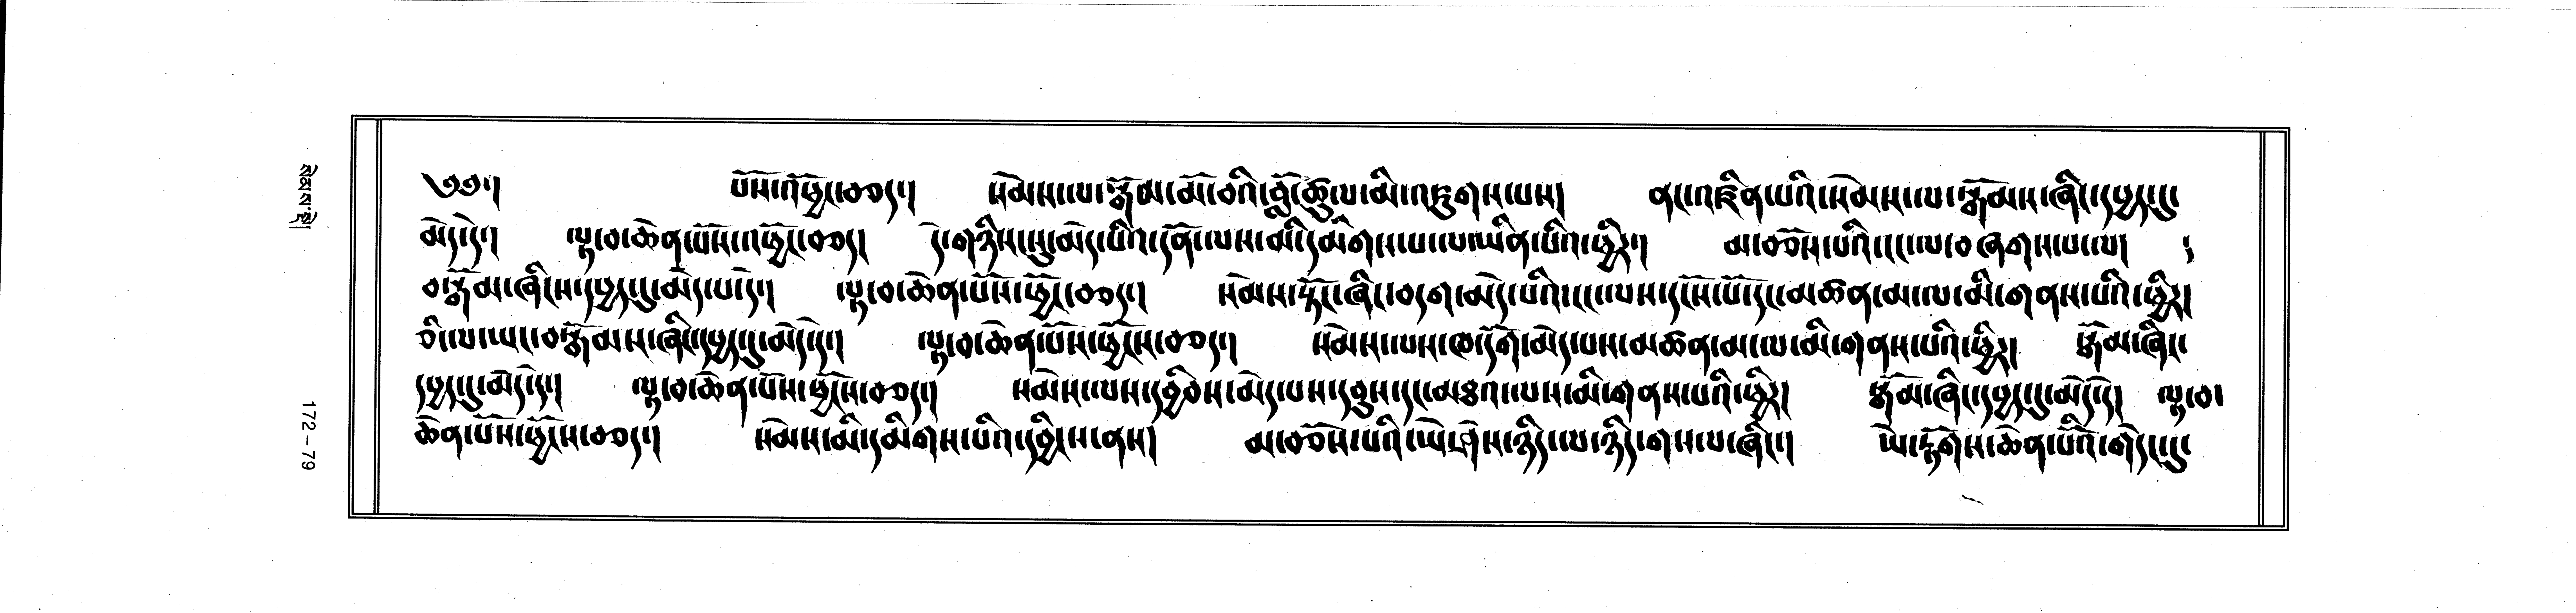པོས་འཕྱོང་བཅད། སེམས་ལ་སྒོམ་མོ་བའི་བློ་ཚུལ་མི་འཇུགས་པས། ནང་འཛིན་པའི་སེམས་ལ་སྒོམས་ཞིང་དཔྱད་དུ་
མེད་དེ། ལྟ་བ་ཆེན་པོས་འཕྱོང་བཅད། དེ་གཉིས་སུ་མེད་པའི་དོན་ལས་མི་དམིགས་པ་ལ་ཡིན་པའི་ཕྱིར། མ་བཅོས་པའི་ངང་ལ་བཞགས་པ་ལ། 
བསྒོམ་ཞིངས་དཔྱད་དུ་མེད་པ་དེ། ལྟ་བ་ཆེན་པོས་ཕྱོང་བཅད། སེམས་སྟོང་ཞིང་བདག་མེད་པའི་ངང་ལས་དངོས་པོ་དང་མཚན་མ་ལ་མི་གནས་པའི་ཕྱིར། 
ཅི་ལ་ཡང་བསྒོམས་ཞིང་དཔྱད་དུ་མེད་དེ། ལྟ་བ་ཆེན་པོས་ཕྱོངས་བཅད། སེམས་ལས་ཁ་དོག་མེད་པས་མཚན་མ་ལ་མི་གནས་པའི་ཕྱིར། སྒོམ་ཞིང་
དཔྱད་དུ་མེད་དེ། ལྟ་བ་ཆེན་པོས་ཕྱོངས་བཅད། སེམས་ལས་དབྱིབས་མེད་པས་དབུས་དང་མཐའ་ལས་མི་གནས་པའི་ཕྱིར། སྒོམ་ཞིང་དཔྱད་དུ་མེད་དེ། ལྟ་བ་
ཆེན་པོས་ཕྱོངས་བཅད། སེམས་མི་དམིགས་པའི་དབྱིངས་ནས། མ་བཅོས་པའི་ཡེ་ཤེས་ཉིད་ལ་ཉིད་གསལ་ཞིང་། ཡེ་རྟོགས་ཆེན་པོའི་གདེང་དུ་